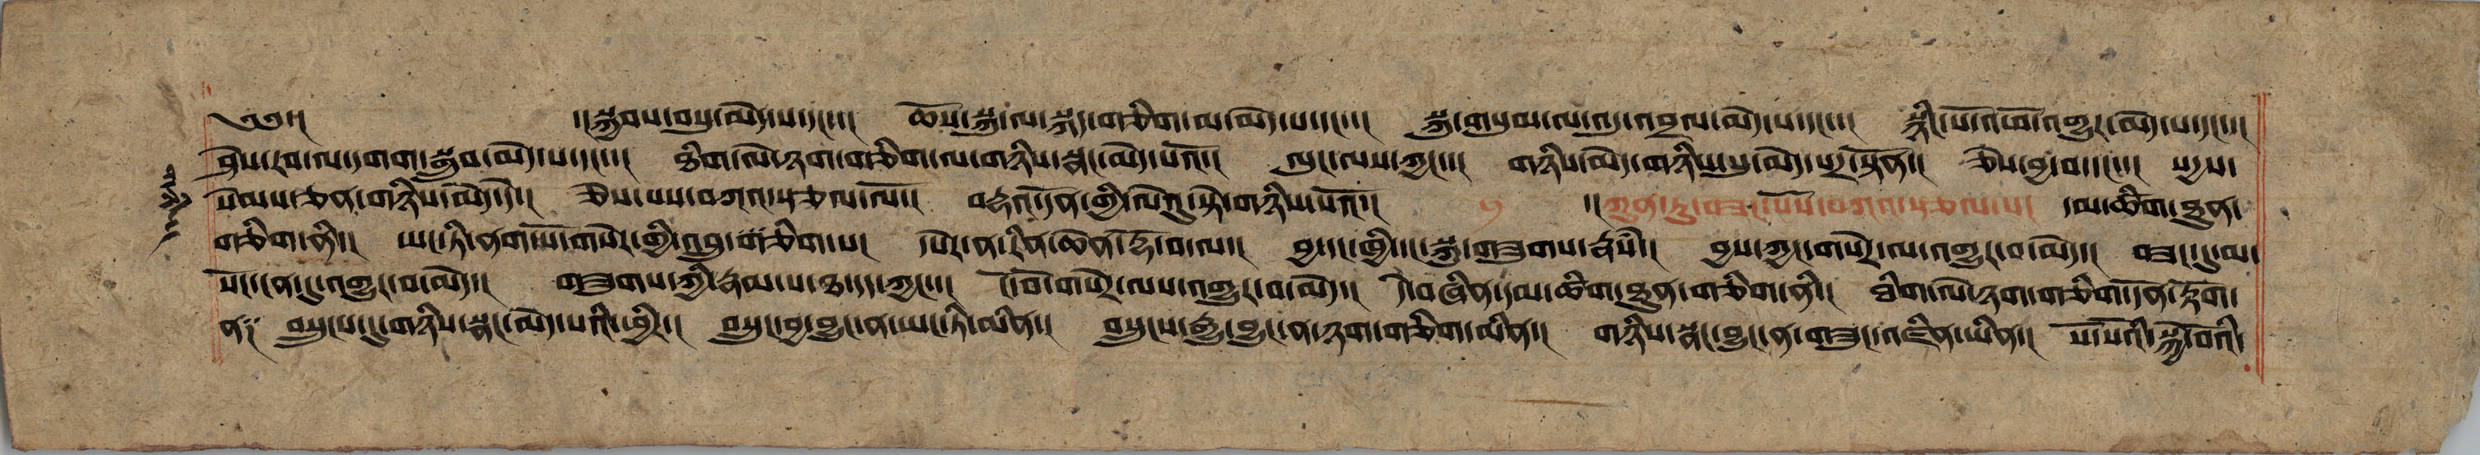༄༅་། ་།སྐྱབས་བསུ་མེད་པ་དང་་། ཆོས་སྐུ་ལ་སྐད་གཅིག་མ་མེད་པ་དང་་། སྐུ་གསུམ་ལ་འདུ་འབྲལ་མེད་པ་དང་་། སྙིང་པོ་འཕོ་འགྱུར་མེད་པ་དདང་་།
ཤེས་རབ་ལ་དགག་སྒྲུབ་མེད་པ་དང་་། ཐིག་་ལེ་ཉག་གཅིག་ལ་གཉིས་སྣང་མེད་པའོ་། ལུང་ལས་ཀྱང་་། གཉིས་མེད་གཉིས་སུ་མེད་པར་སྟོན་། ཅེས་བྱ་བ་དང་་། སདྱས་
སེམས་ཅན་གཉིས་མེད་དེ་། ཅེས་པས་བཀའ་སྩལ་ལོ་། བརྡའ་དོན་གྱི་ལེའུ་སྟེ་གཉིས་པའོ་། ཧ ་།ཀུན་ཏུ་བཟང་པོས་བཀའ་སྩལ་པ། དམ་ཚིག་ཐུན་
གཅིག་ནི་། ཡང་ཏི་ནག་པོ་གསེར་གྱི་འབྲུ་གཅིག་པ་། དཔེར་ན་རིན་ཆེན་རྡོ་བ་ལ་། བྱ་དང་ཁྱི་དང་སྐུ་གཟུགས་རྣཾས་། བྱས་ཀྱང་གསེར་ལ་འགྱུར་བ་མེད་། བཟང་དུ་མ་
སོང་ངན་དུ་འགྱུར་བ་མེད་། གཟུགས་ཀྱི་རྣམ་པ་ཐ་དད་ཀྱང་་། ངོ་བོ་གསེར་ལས་འགྱུར་བ་མེད་། དེ་བཞིན་དམ་ཚིག་ཐུན་གཅིག་ནི་། ཐིག་ལེ་ཉག་གཅིག་དོན་རྟོག་
ན༑ བསྲུངས་དུ་གཉིས་སྣང་མེད་པའི་ཕྱིར་། བསྲུང་བྱ་བྱུང་ན་ཡང་ཏི་མིན་། བསྲུངས་རྒྱུ་བྱུང་ན་ཉག་གཅིག་མིན་། གཉིས་སྣང་བྱུང་ན་གཟུང་འཛིན་ཡིན་། སོ་སོའི་སྐྱེ་བོའི་